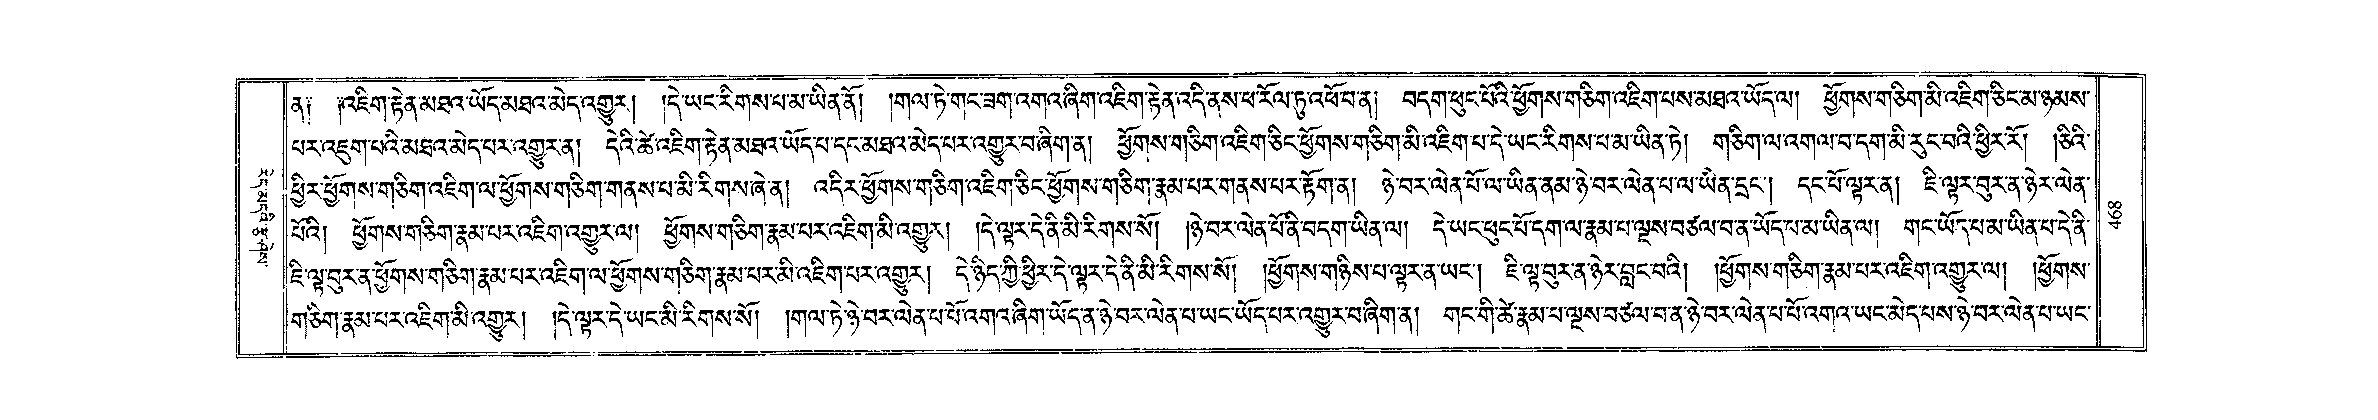ན༑ ༑འཇིག་རྟེན་མཐའ་ཡོད་མཐའ་མེད་འགྱུར། །དེ་ཡང་རིགས་པ་མ་ཡིན་ནོ། །གལ་ཏེ་གང་ཟག་འགའ་ཞིག་འཇིག་རྟེན་འདི་ནས་ཕ་རོལ་ཏུ་འཕོ་བ་ན། བདག་ཕུང་པོའི་ཕྱོགས་གཅིག་འཇིག་པས་མཐའ་ཡོད་ལ། ཕྱོགས་གཅིག་མི་འཇིག་ཅིང་མ་ཉམས་
པར་འཇུག་པའི་མཐའ་མེད་པར་འགྱུར་ན། དེའི་ཚེ་འཇིག་རྟེན་མཐའ་ཡོད་པ་དང་མཐའ་མེད་པར་འགྱུར་བ་ཞིག་ན། ཕྱོགས་གཅིག་འཇིག་ཅིང་ཕྱོགས་གཅིག་མི་འཇིག་པ་དེ་ཡང་རིགས་པ་མ་ཡིན་ཏེ། གཅིག་ལ་འགལ་བ་དག་མི་རུང་བའི་ཕྱིར་རོ། །ཅིའི་
ཕྱིར་ཕྱོགས་གཅིག་འཇིག་ལ་ཕྱོགས་གཅིག་གནས་པ་མི་རིགས་ཞེ་ན། འདིར་ཕྱོགས་གཅིག་འཇིག་ཅིང་ཕྱོགས་གཅིག་རྣམ་པར་གནས་པར་རྟོག་ན། ཉེ་བར་ལེན་པོ་ལ་ཡིན་ནམ་ཉེ་བར་ལེན་པ་ལ་ཡིན་དྲང་། དང་པོ་ལྟར་ན། ཇི་ལྟར་བུར་ན་ཉེར་ལེན་
པོའི། ཕྱོགས་གཅིག་རྣམ་པར་འཇིག་འགྱུར་ལ། ཕྱོགས་གཅིག་རྣམ་པར་འཇིག་མི་འགྱུར། །དེ་ལྟར་དེ་ནི་མི་རིགས་སོ། །ཉེ་བར་ལེན་པོ་ནི་བདག་ཡིན་ལ། དེ་ཡང་ཕུང་པོ་དག་ལ་རྣམ་པ་ལྔས་བཙལ་བ་ན་ཡོད་པ་མ་ཡིན་ལ། གང་ཡོད་པ་མ་ཡིན་པ་དེ་ནི་
ཇི་ལྟ་བུར་ན་ཕྱོགས་གཅིག་རྣམ་པར་འཇིག་ལ་ཕྱོགས་གཅིག་རྣམ་པར་མི་འཇིག་པར་འགྱུར། དེ་ཉིད་ཀྱི་ཕྱིར་དེ་ལྟར་དེ་ནི་མི་རིགས་སོ། །ཕྱོགས་གཉིས་པ་ལྟར་ན་ཡང་། ཇི་ལྟ་བུར་ན་ཉེར་བླང་བའི། །ཕྱོགས་གཅིག་རྣམ་པར་འཇིག་འགྱུར་ལ། །ཕྱོགས་
གཅིག་རྣམ་པར་འཇིག་མི་འགྱུར། །དེ་ལྟར་དེ་ཡང་མི་རིགས་སོ། །གལ་ཏེ་ཉེ་བར་ལེན་པ་པོ་འགའ་ཞིག་ཡོད་ན་ཉེ་བར་ལེན་པ་ཡང་ཡོད་པར་འགྱུར་བ་ཞིག་ན། གང་གི་ཚེ་རྣམ་པ་ལྔས་བཙལ་བ་ན་ཉེ་བར་ལེན་པ་པོ་འགའ་ཡང་མེད་པས་ཉེ་བར་ལེན་པ་ཡང་